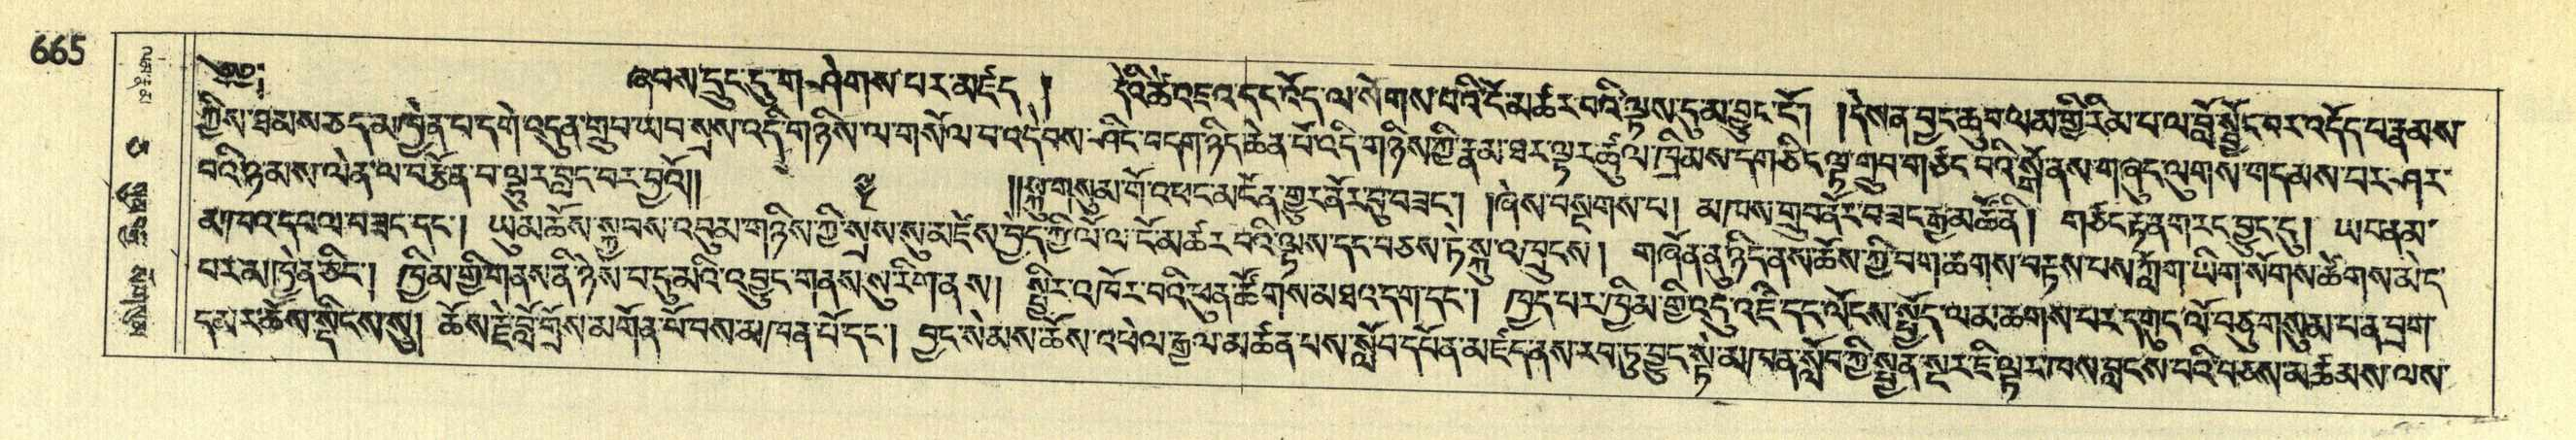༄༅། །ཞབས་དྲུང་དུ་གཤེགས་པར་མཛད། དེའི་ཚེ་འཇའ་དང་འོད་ལ་སོགས་པའི་ངོ་མཚར་བའི་ལྟས་དུ་མ་བྱུང་ངོ། །དེས་ན་བྱང་ཆུབ་ལམ་གྱི་རིམ་པ་ལ་བློ་སྦྱོང་བར་འདོད་པ་རྣམས་
ཀྱིས་ཐམས་ཅད་མཁྱེན་པ་དགེ་འདུན་གྲུབ་ཡབ་སྲས་འདི་གཉིས་ལ་གསོལ་བ་འདེབས་ཤིང་བདག་ཉིད་ཆེན་པོ་འདི་གཉིས་ཀྱི་རྣམ་ཐར་ལྟར་ཚུལ་ཁྲིམས་དག་ཅིང་ལྟ་གྲུབ་གཙང་བའི་སྒོ་ནས་གཞུང་ལུགས་གདམས་བར་ཤར་
བའི་ཉམས་ལེན་ལ་བརྩོན་པ་ལྷུར་བླང་བར་བྱའོ།། ༈ །།སྐུ་གསུམ་གོ་འཕང་མངོན་གྱུར་ནོར་བུ་བཟང་། །ཞེས་བསྔགས་པ། མཁས་གྲུབ་ནོར་བཟང་རྒྱ་མཚོ་ནི། གཙང་རྟ་ནག་རང་བྱུང་དུ། ཡབ་ནམ་
མཁའ་དཔལ་བཟང་དང་། ཡུམ་ཆོས་སྐྱབས་འབུམ་གཉིས་ཀྱི་སྲས་སུ་མཛེས་བྱེད་ཀྱི་ལོ་ལ་ངོ་མཚར་བའི་ལྟས་དང་བཅས་ཏེ་སྐུ་འཁྲུངས། གཞོན་ནུ་ཉིད་ནས་ཆོས་ཀྱི་བག་ཆགས་བརྟས་པས་ཀློག་ཡིག་སོགས་ཚེགས་མེད་
པར་མཁྱེན་ཅིང་། ཁྱིམ་གྱི་གནས་ནི་ཉེས་བ་དུ་མའི་འབྱུང་གནས་སུ་རིག་ནས། སྤྱིར་འཁོར་བའི་ཕུན་ཚོགས་མཐའ་དག་དང་། ཁྱད་པར་ཁྱིམ་གྱི་འདུ་འཛིན་དང་ལོངས་སྤྱོད་ལ་མ་ཆགས་པར་དགུད་ལོ་བཅུ་གསུམ་པ་ན་བྲག་
དམར་ཆོས་སྡིངས་སུ། ཆོས་རྗེ་བློ་གྲོས་མགོན་པོ་བས་མཁན་པོ་དང་། བྱང་སེམས་ཆོས་འཕེལ་རྒྱལ་མཚན་པས་སློབ་དཔོན་མཛད་ནས་རབ་ཏུ་བྱུང་སྟེ་མཁན་སློབ་ཀྱི་སྤྱན་སྔར་ཇི་ལྟར་ཁས་བླངས་པའི་བཅས་མཚམས་ལས་